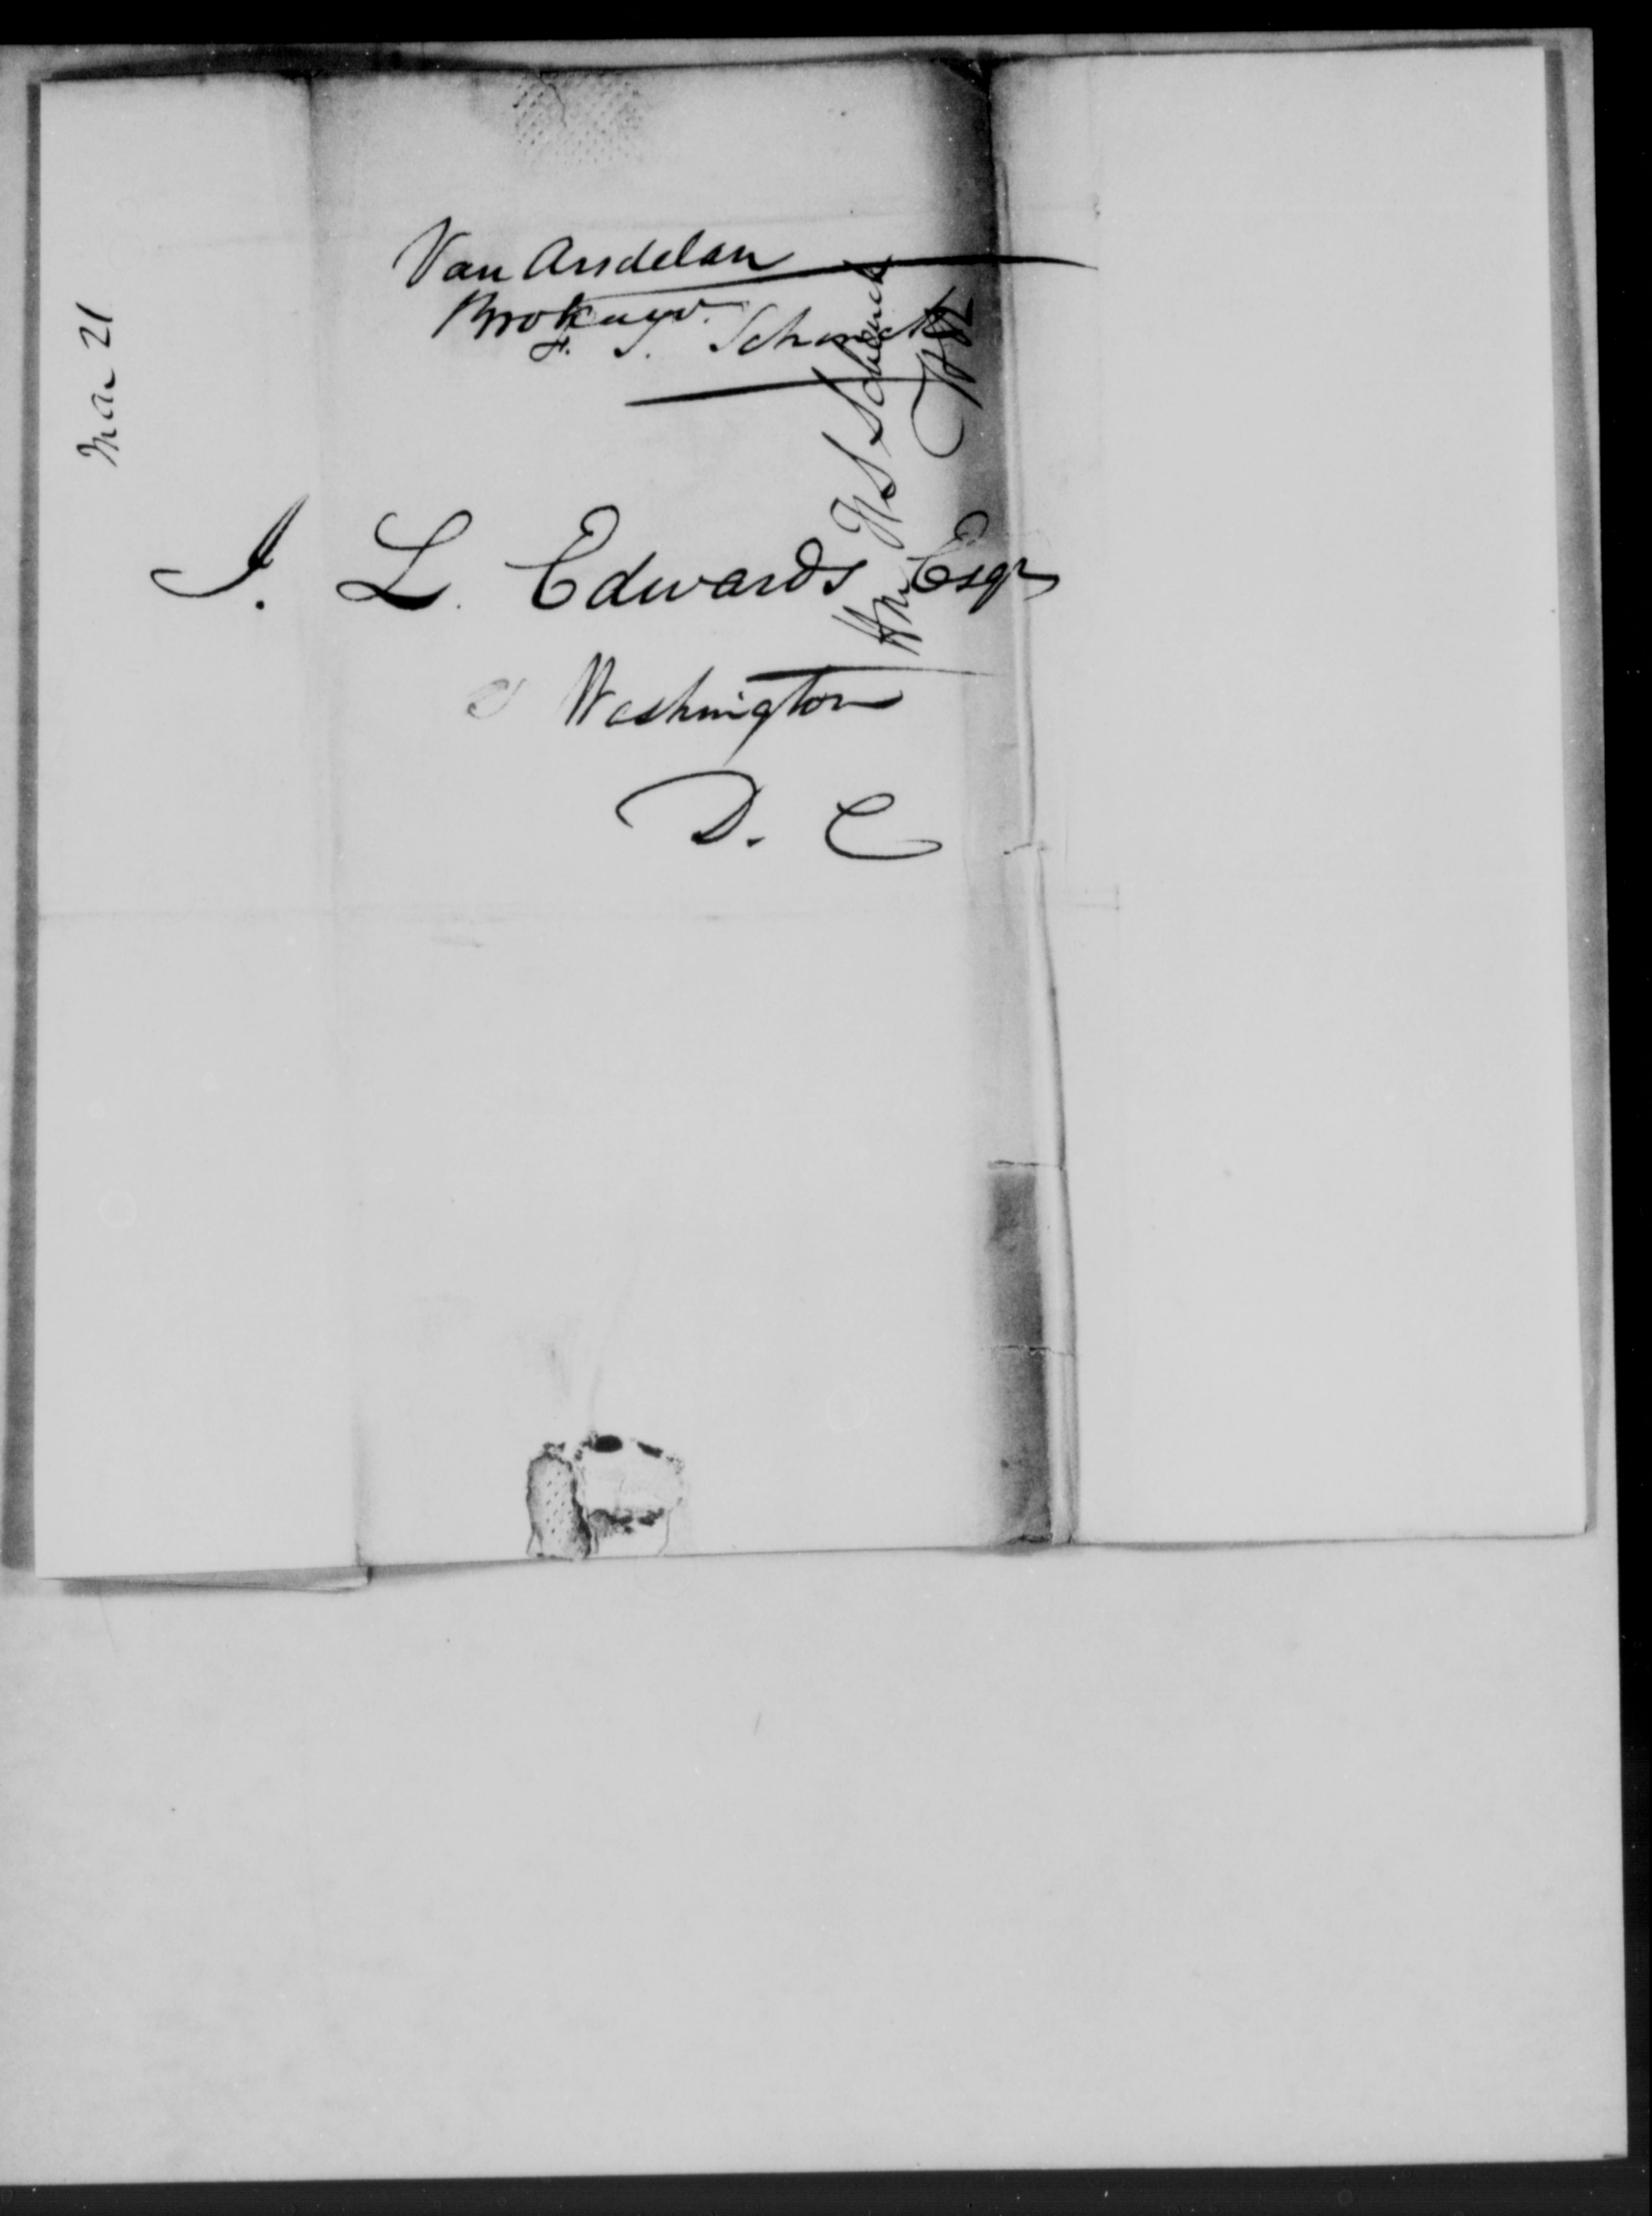Van Arsdelan [Van Arsdalen]
Brokaw
F. S. Schenck

J. L. Edwards Esqr
Washington
D. C

[written upward]
Mar 21
Hon F S Schenck
HR [House of Representatives]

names: Brokaw, Van Arsdelan, J L Edwards, F S Schenck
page: 17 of 40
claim: survivor's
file: S. 3564, Mindart Wilson, New Jersey